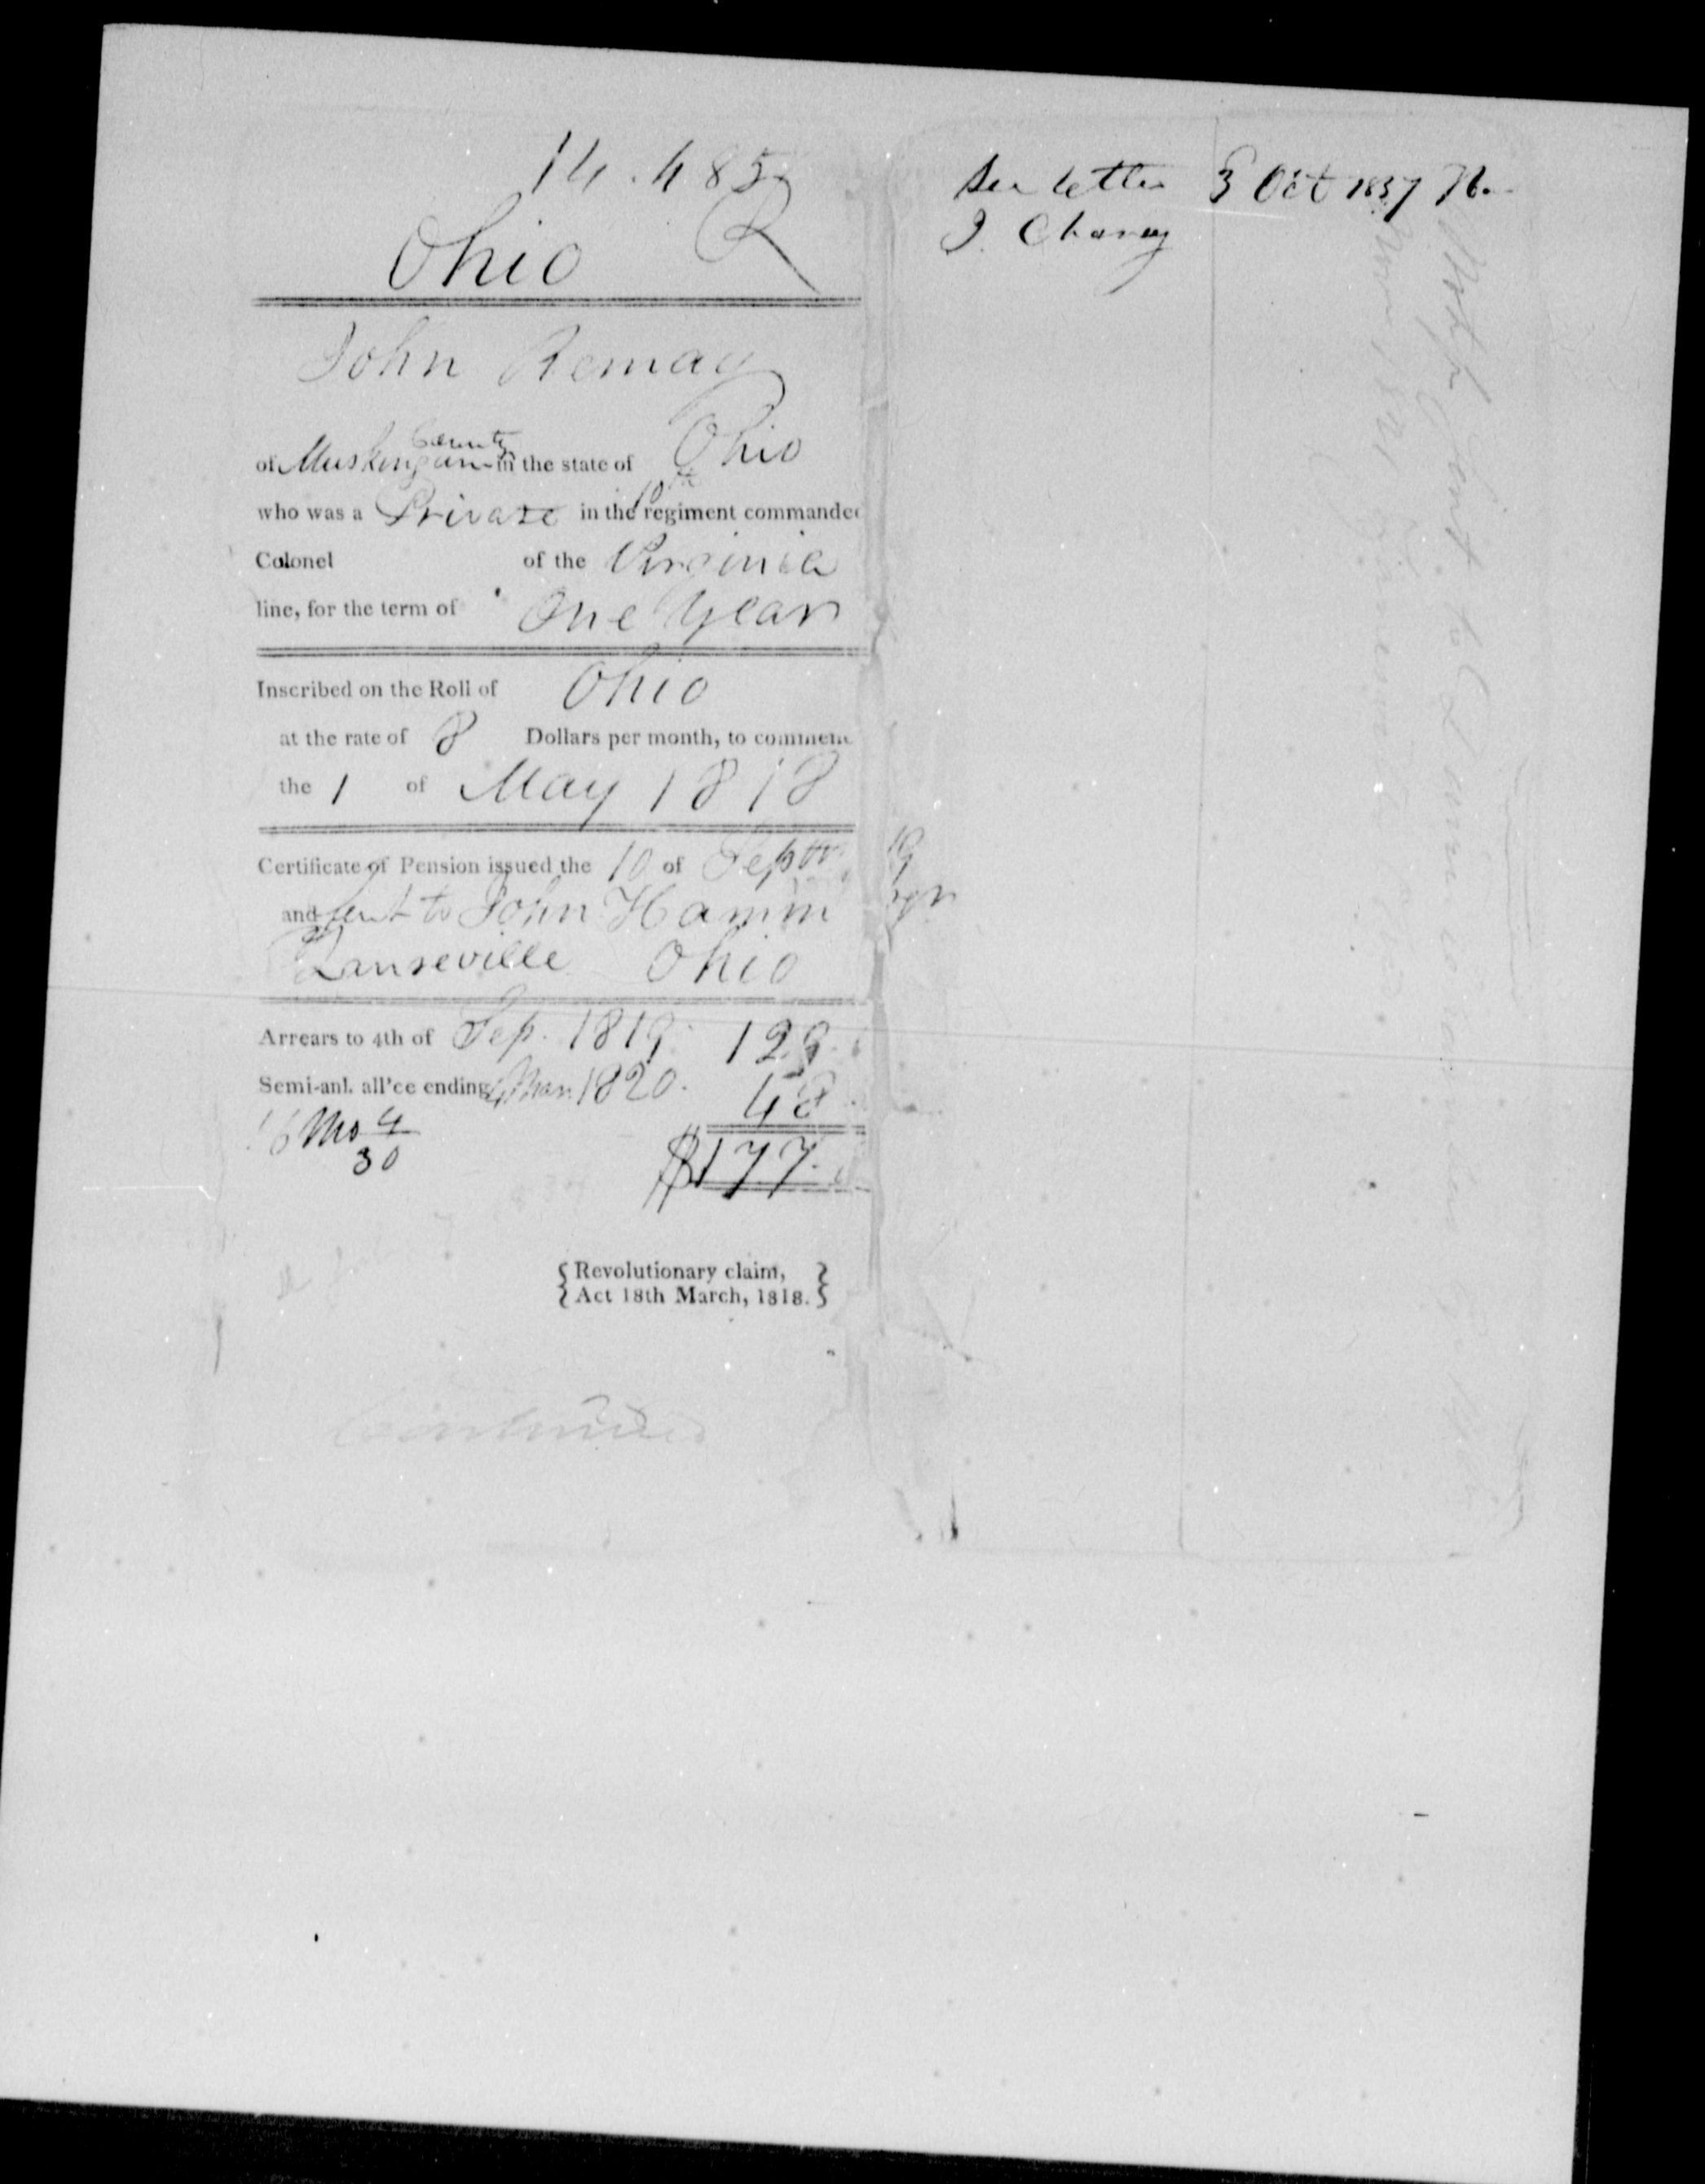14,485
Ohio R 
John Remay of Muskingum County in the state of Ohio who was a Private in the 10th regiment commanded by Colonel [left blank] of the Virginia line, for the term of one year 

Inscribed on the roll of Ohio at the rate of 8 Dollars per month, to commence the 1 of May 1818

Certificate of Pension issued the 10 of Sept [illegible: 1819?] and sent to John Hamm [illegible: Esqr.?] Zanesville Ohio

Arrears to 4th of Sep. 1819 129
Semi-anl. all'ce ending 4 Mar. 1820. 48.
16 Mo 4/30 $177

{Revolutionary claim, Act 18th March, 1818.}

Continued

[second page]
See letter 3 Oct 1837 Hon J. Chaney
[There are two illegible lines written vertically.]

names: John Remay; John Hamm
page: 2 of 84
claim: widow's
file: W.11104, for John Remay, Virginia